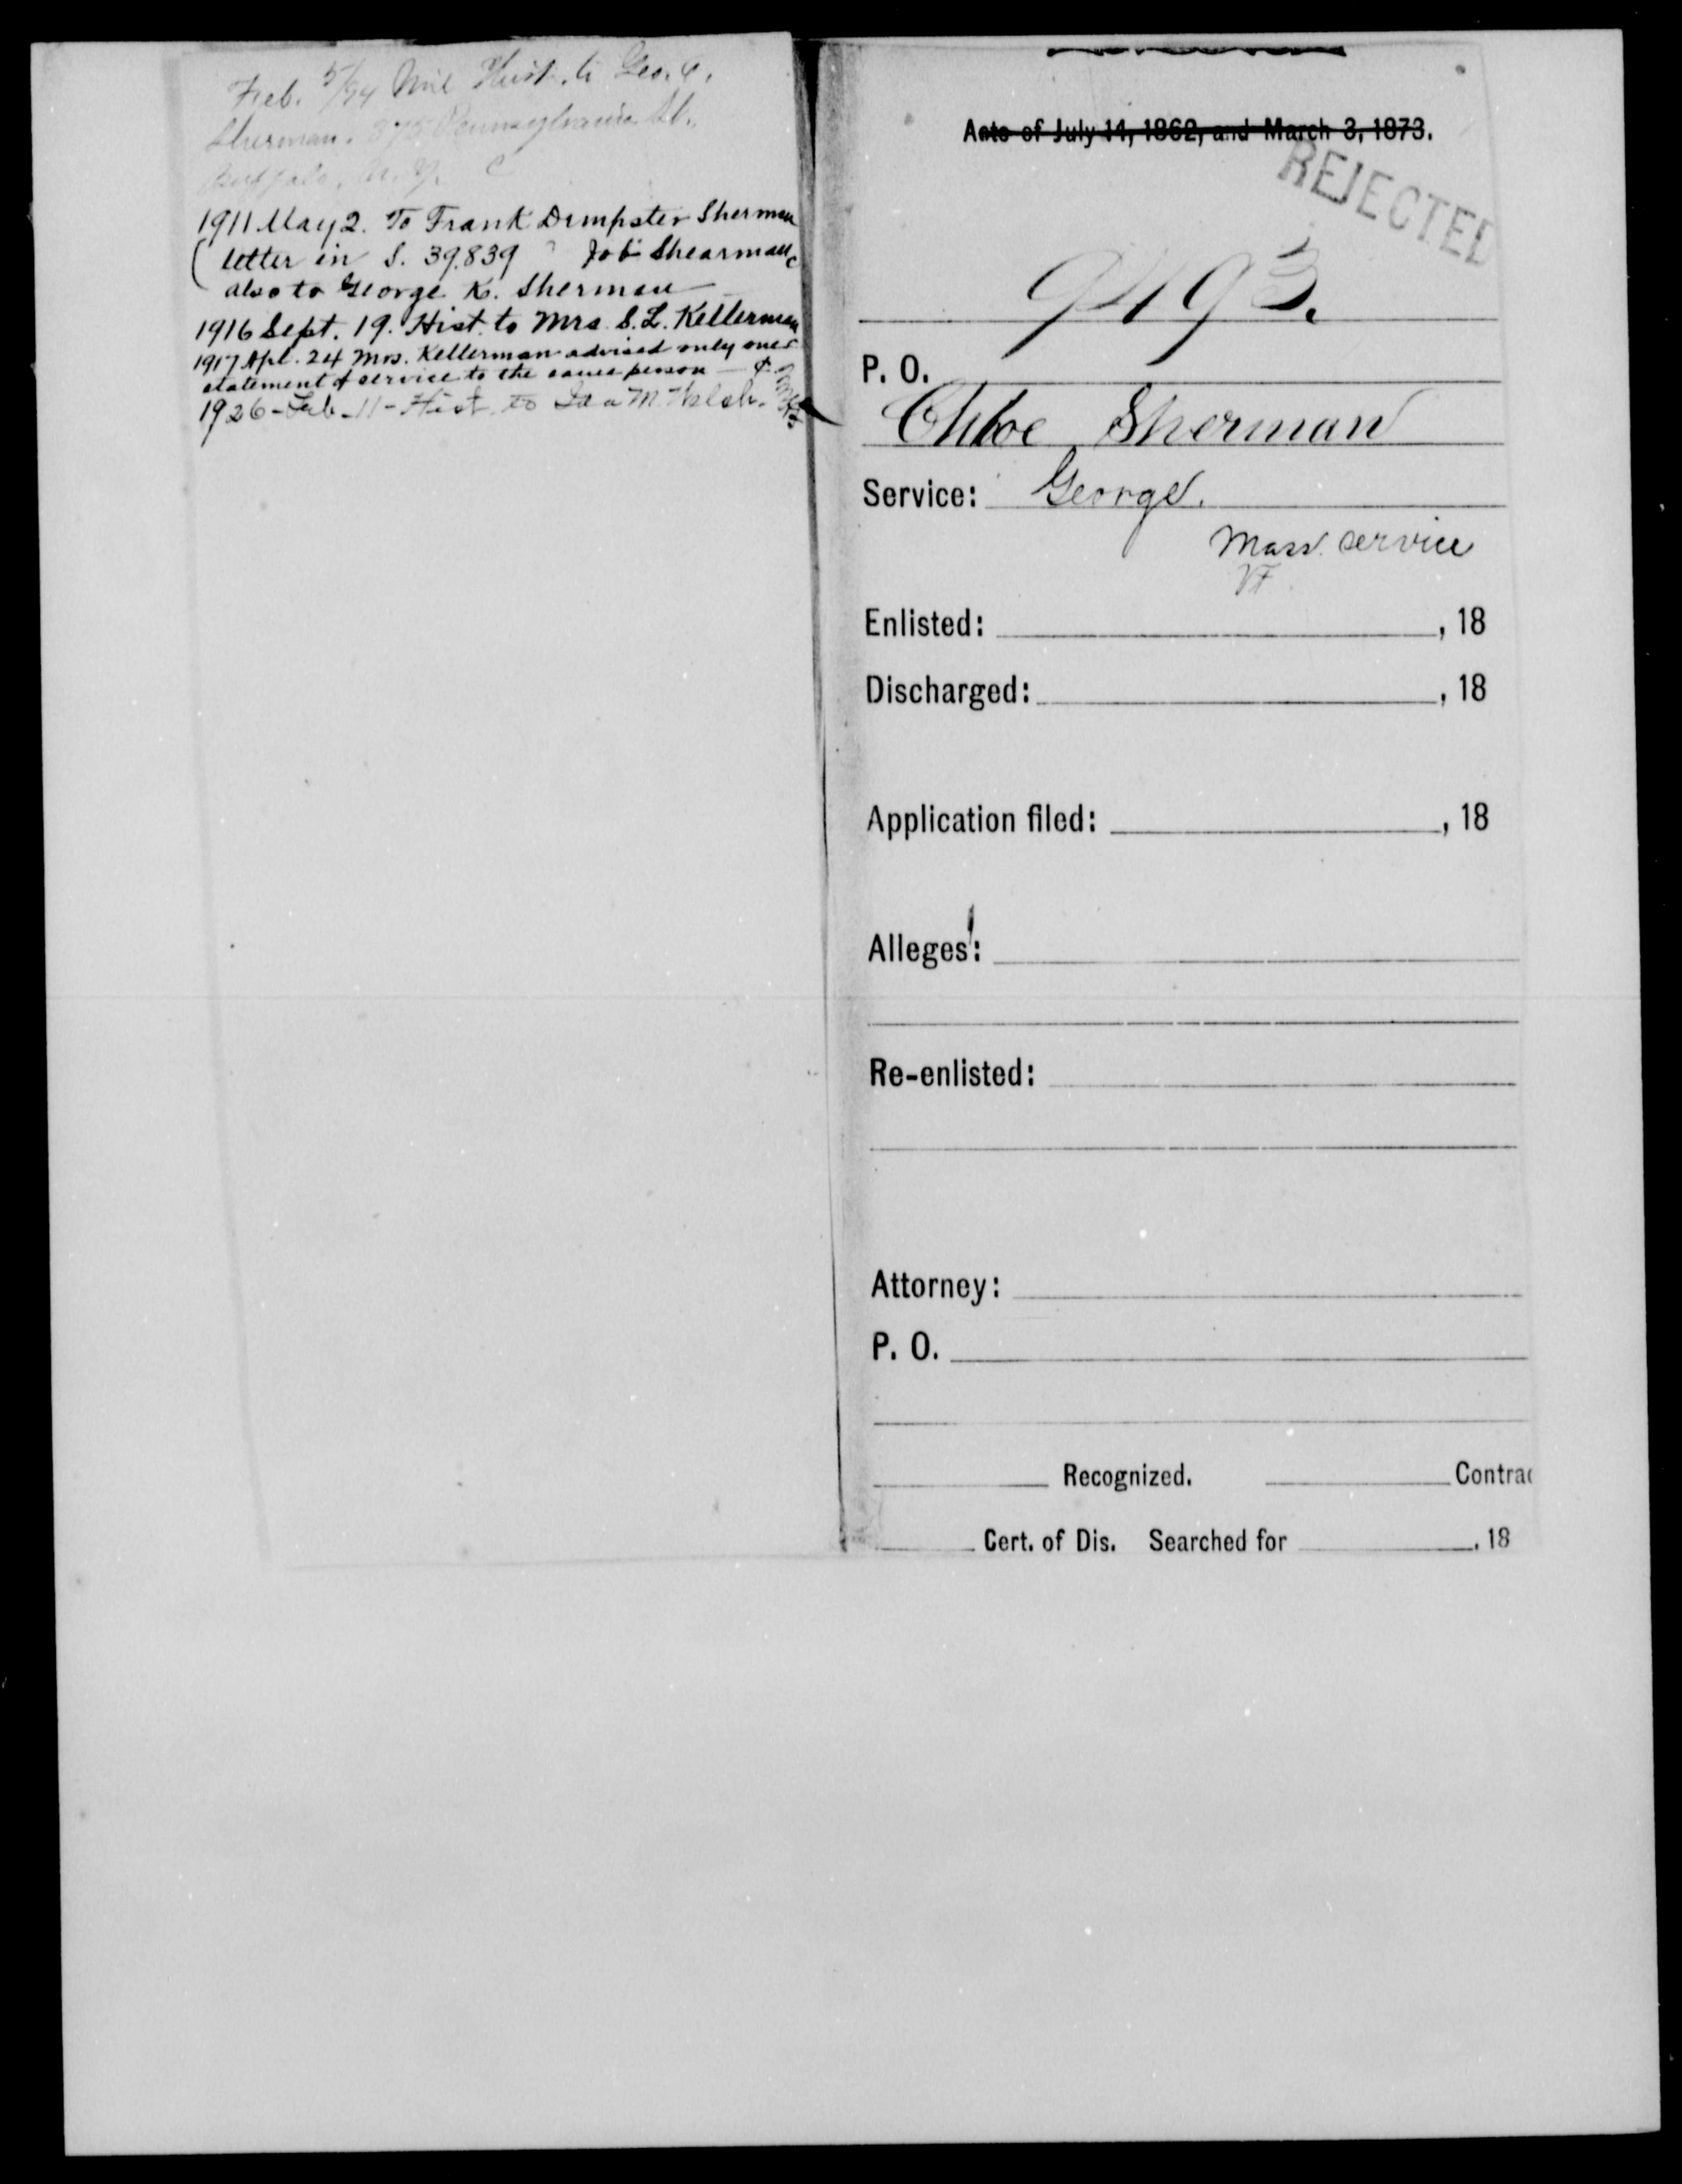his thy time shirt to Gen.
Sherman. 370 Pennsylvania St.
Buffalo, in
1911 May 2. To Frank Dempster Sherman
letter in S. 39839 John Shearman ┃
also to George K. Sherman
1916 Sept. 19. Hist. to Mrs. S. L. Kellerman
1917 Apl 24 Mrs. Kellerman advised only one
statement of service to the same person
1926 - Feb. 1 - Hist to Asa M. Welch,
Chloe Sherman
Service: George
Enlisted:
Discharged:
Application filed:
Alleges:
Re-enlisted:
Attorney:
Mass service
Recognized.
Cert. of Dis. Searched for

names: Job Shearman; Frank Dempster Sherman; Geo E Sherman; Ida M Welsh; S L Kellerman; George K Sherman; George [BLANK]; Chloe Sherman; [BLANK] Kellerman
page: 24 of 52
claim: rejected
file: R. 9493, for George Sherman, Vermont